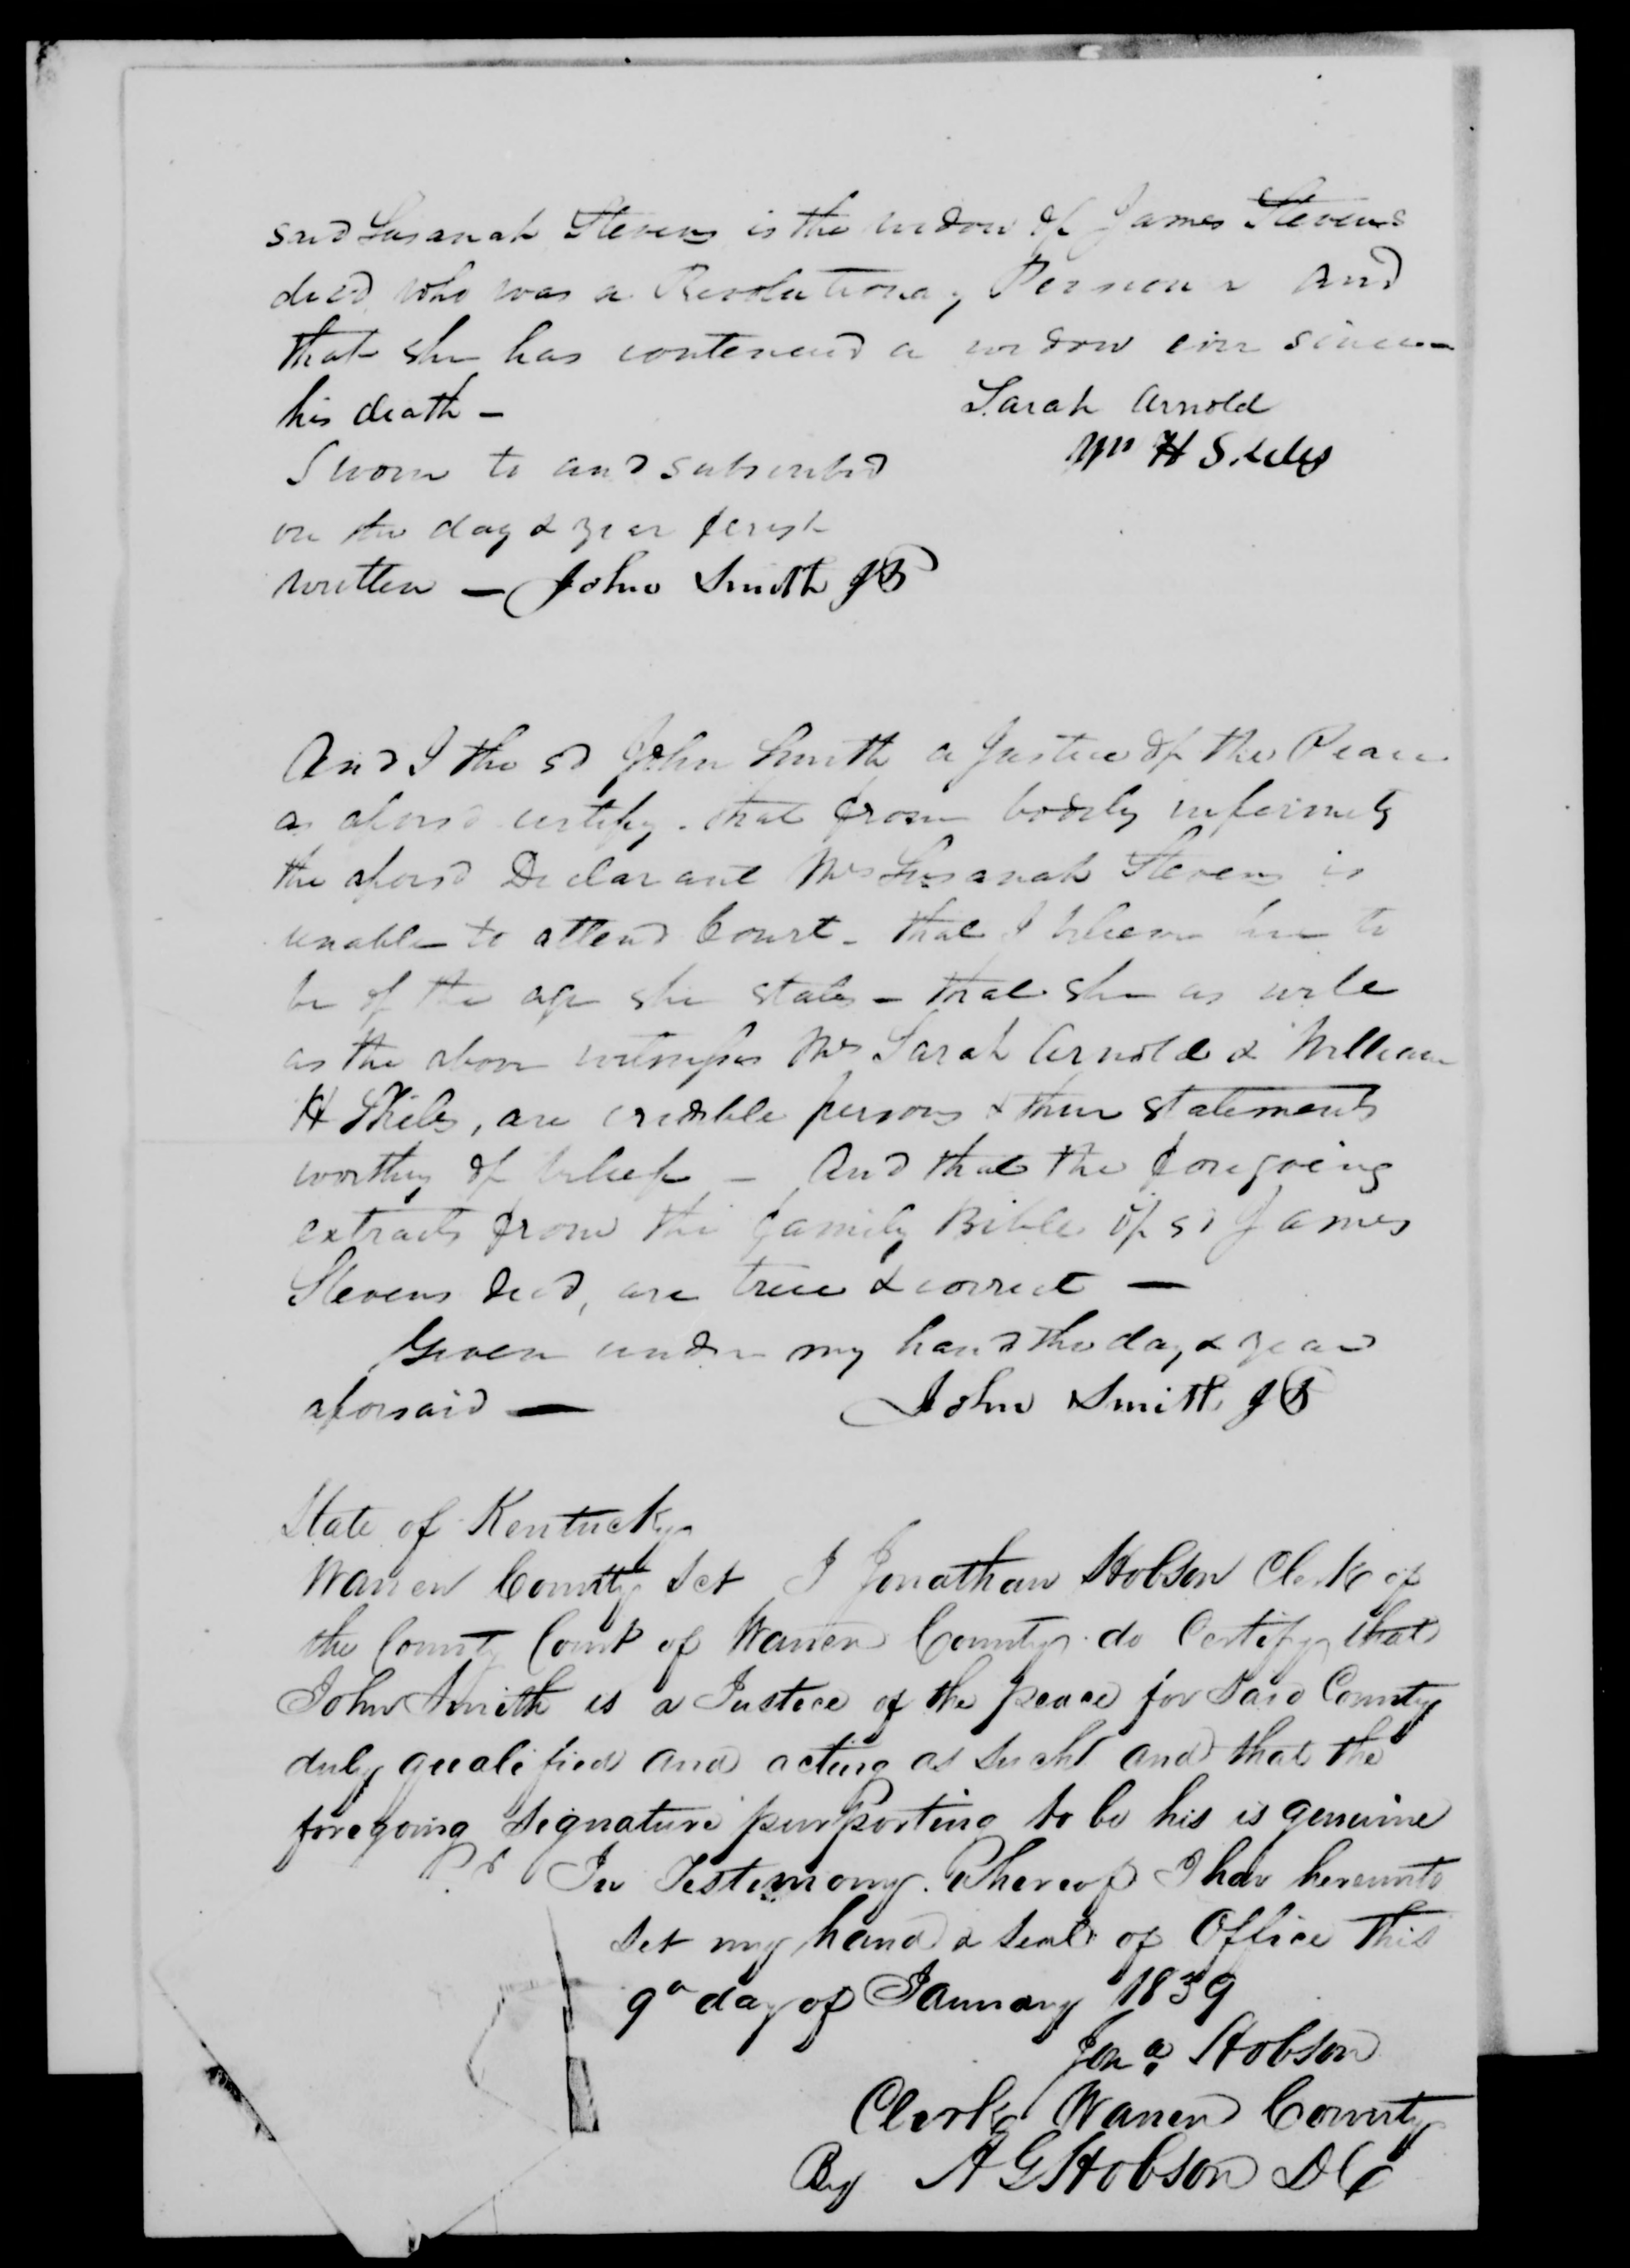sand Susanah Stevens is the widow of James Stevens decd who was a Revolutionary Pensioner and that she has continued a widow ever since his death - 
Sarah Arnold
Wm H Sdely
Sworn to and subscribed on the day & year perish written - John Smith JP

And I the sd John Smith a Justice of the Peace as aforsd certify that from bodily infirmity the aforsd Declarant Mrs Susanah Stevens is unable to attend Court. that I believe her to be of the age she states - that she as [illegible] as the above witnessess Mrs. Sarah Arnold and William H Shile, are credible persons & their statements worthey of belief - And that the foregoing extracts from the family Bible of sd James Stevens decd, are true & correct - 
Given under my hand the day & year aforsaid 
John Smith JP

State of Kentucky
Warren County Sct I Jonathan Hobson Clerk of the County Court of Warren County do certify that John Smith is a Justice of the peace for Said County duly qualified and acting as Such and that the foregoing signature purporting to be his is genuine
In Testimony whereof I hav hereunto set my hand & Seal of Office this 9 day of January 1839
Jona Hobson
Clerk Warren County
By A G Hobson DC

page: 11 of 99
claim: widow's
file: W 8766, for James Stevens, Virginia